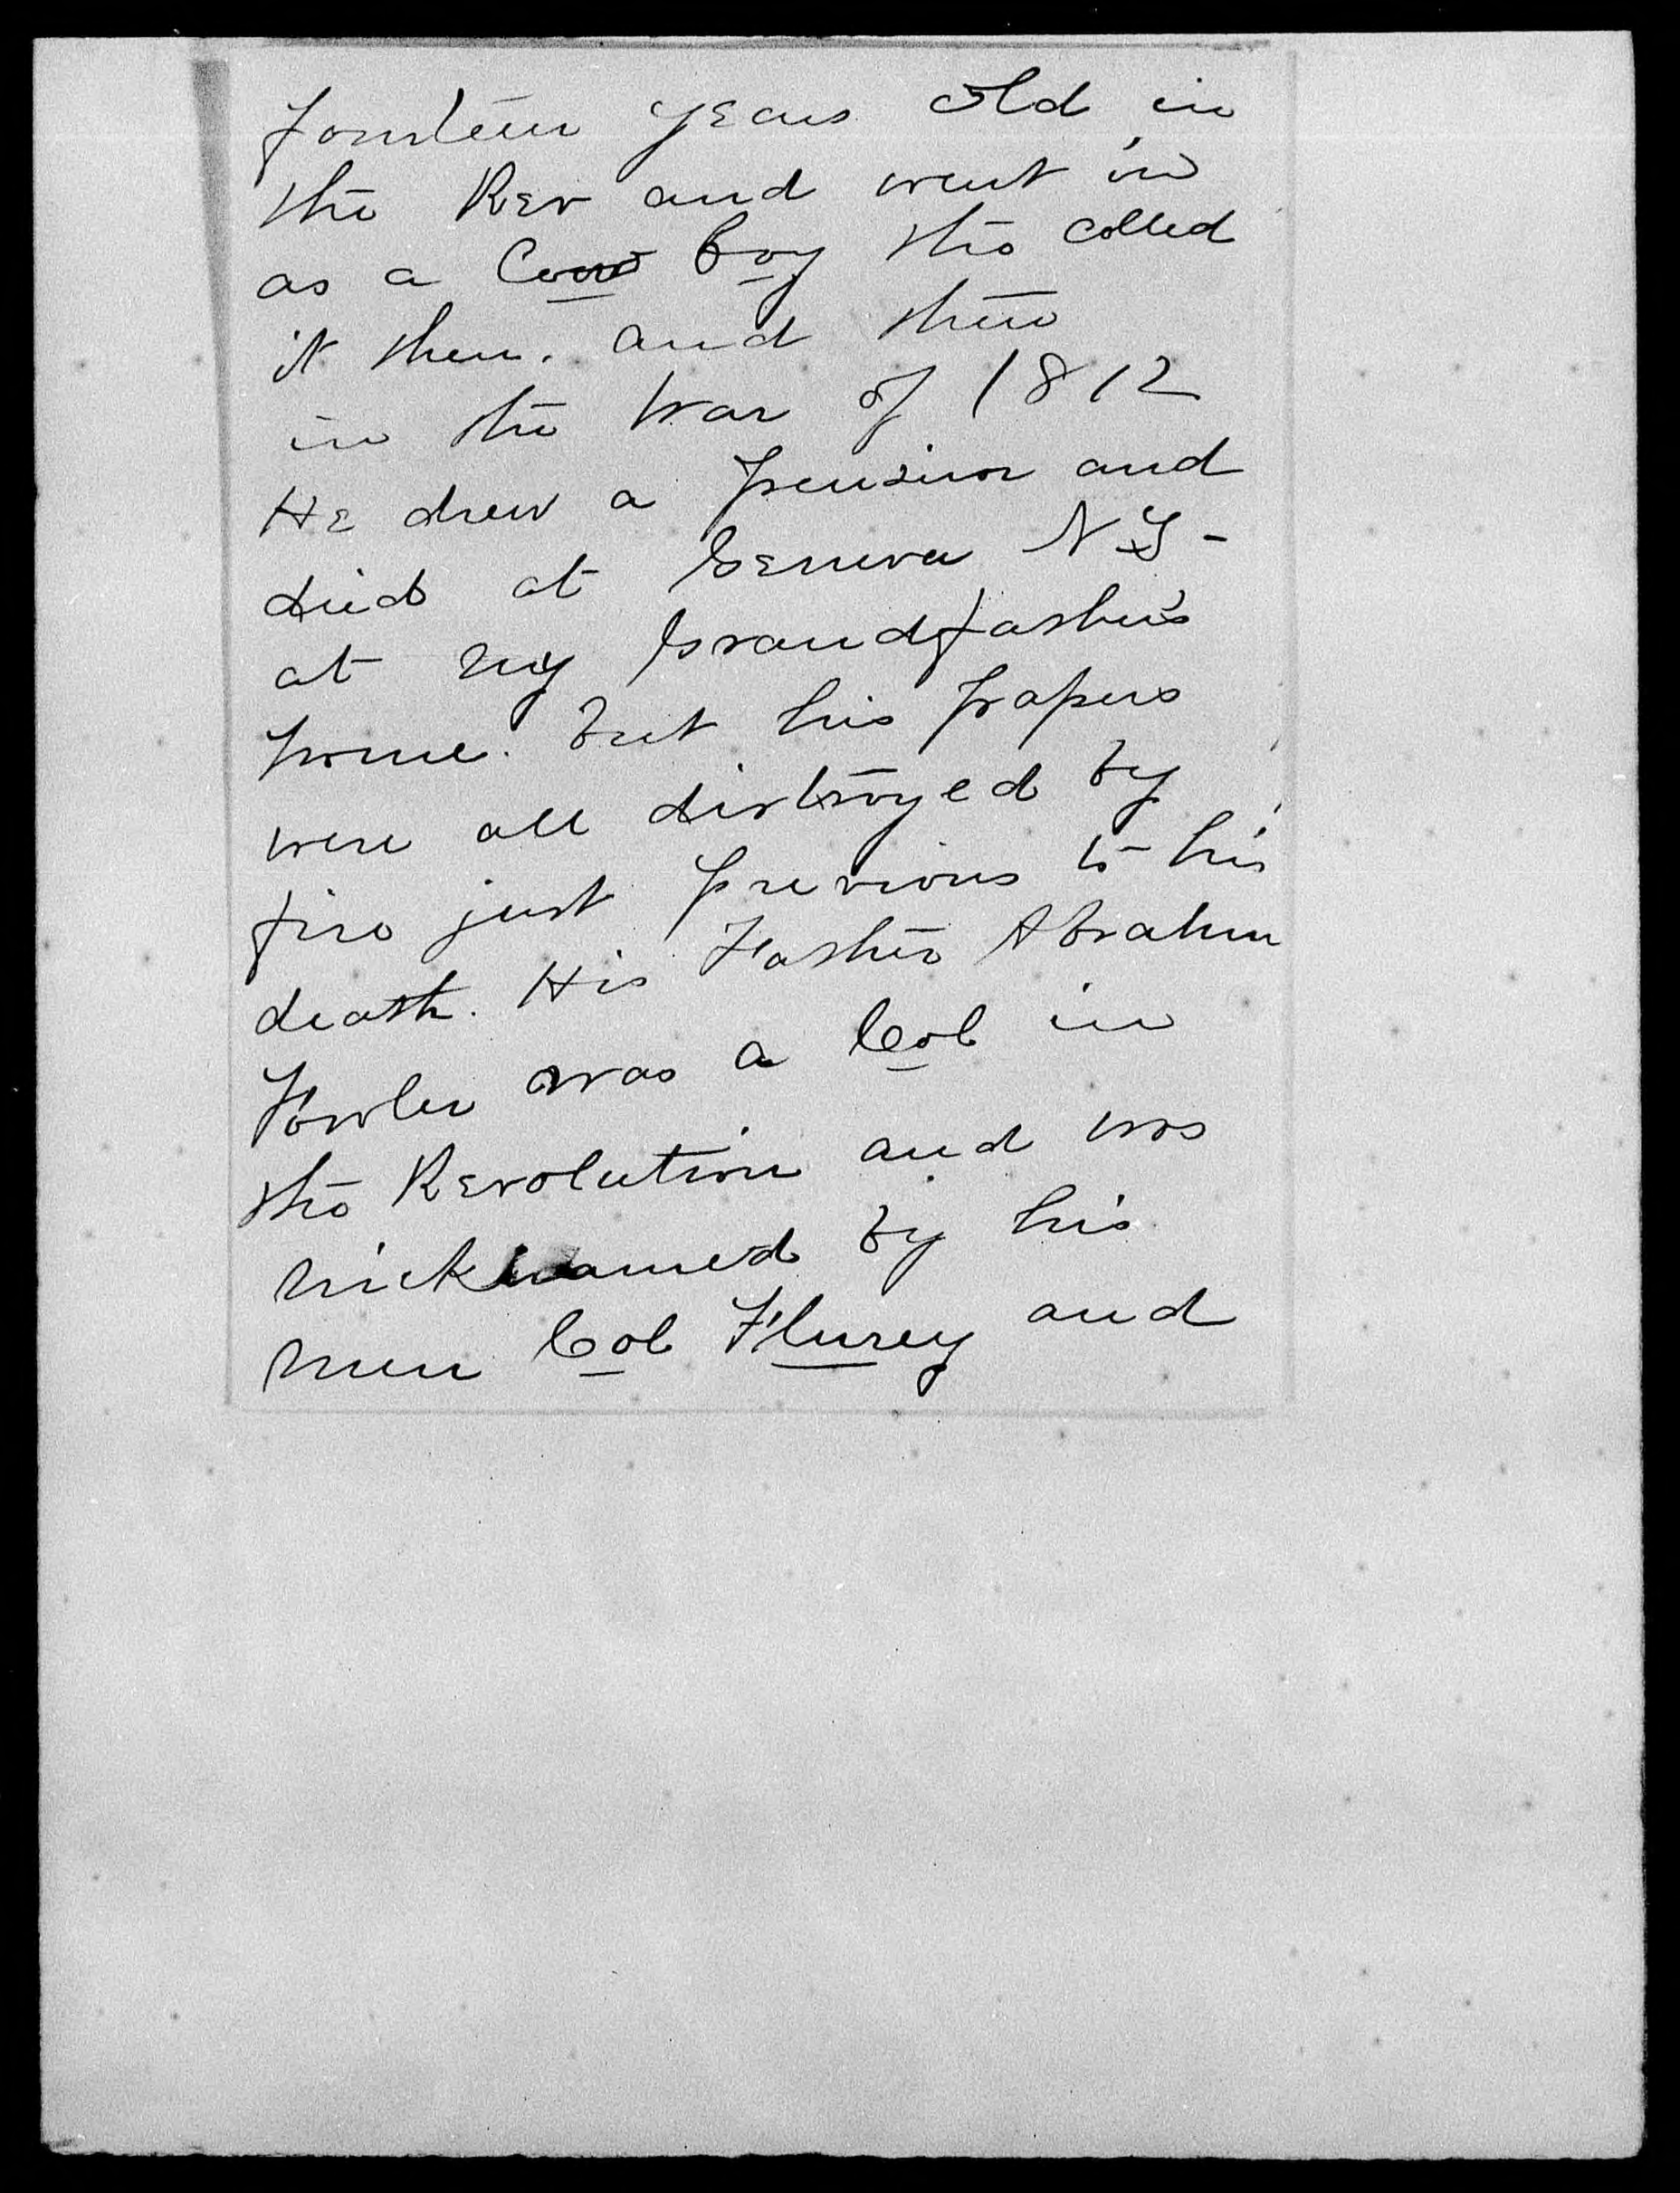fourteen years old in the Rev and went in as a cow boy they called it then. And there in the War of 1812. He drew a pension and died at Geneva N.Y. at my Grandfather's home, but his papers were all distroyed by fire just previous to his death. His father Abraham Fowler was a Col in the Revolution and was nicknamed by his men Col. Flurey and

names: Abrahm Fowler, Flurey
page: 14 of 44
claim: survivor's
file: S. 23639, Jonathan Fowler, New York